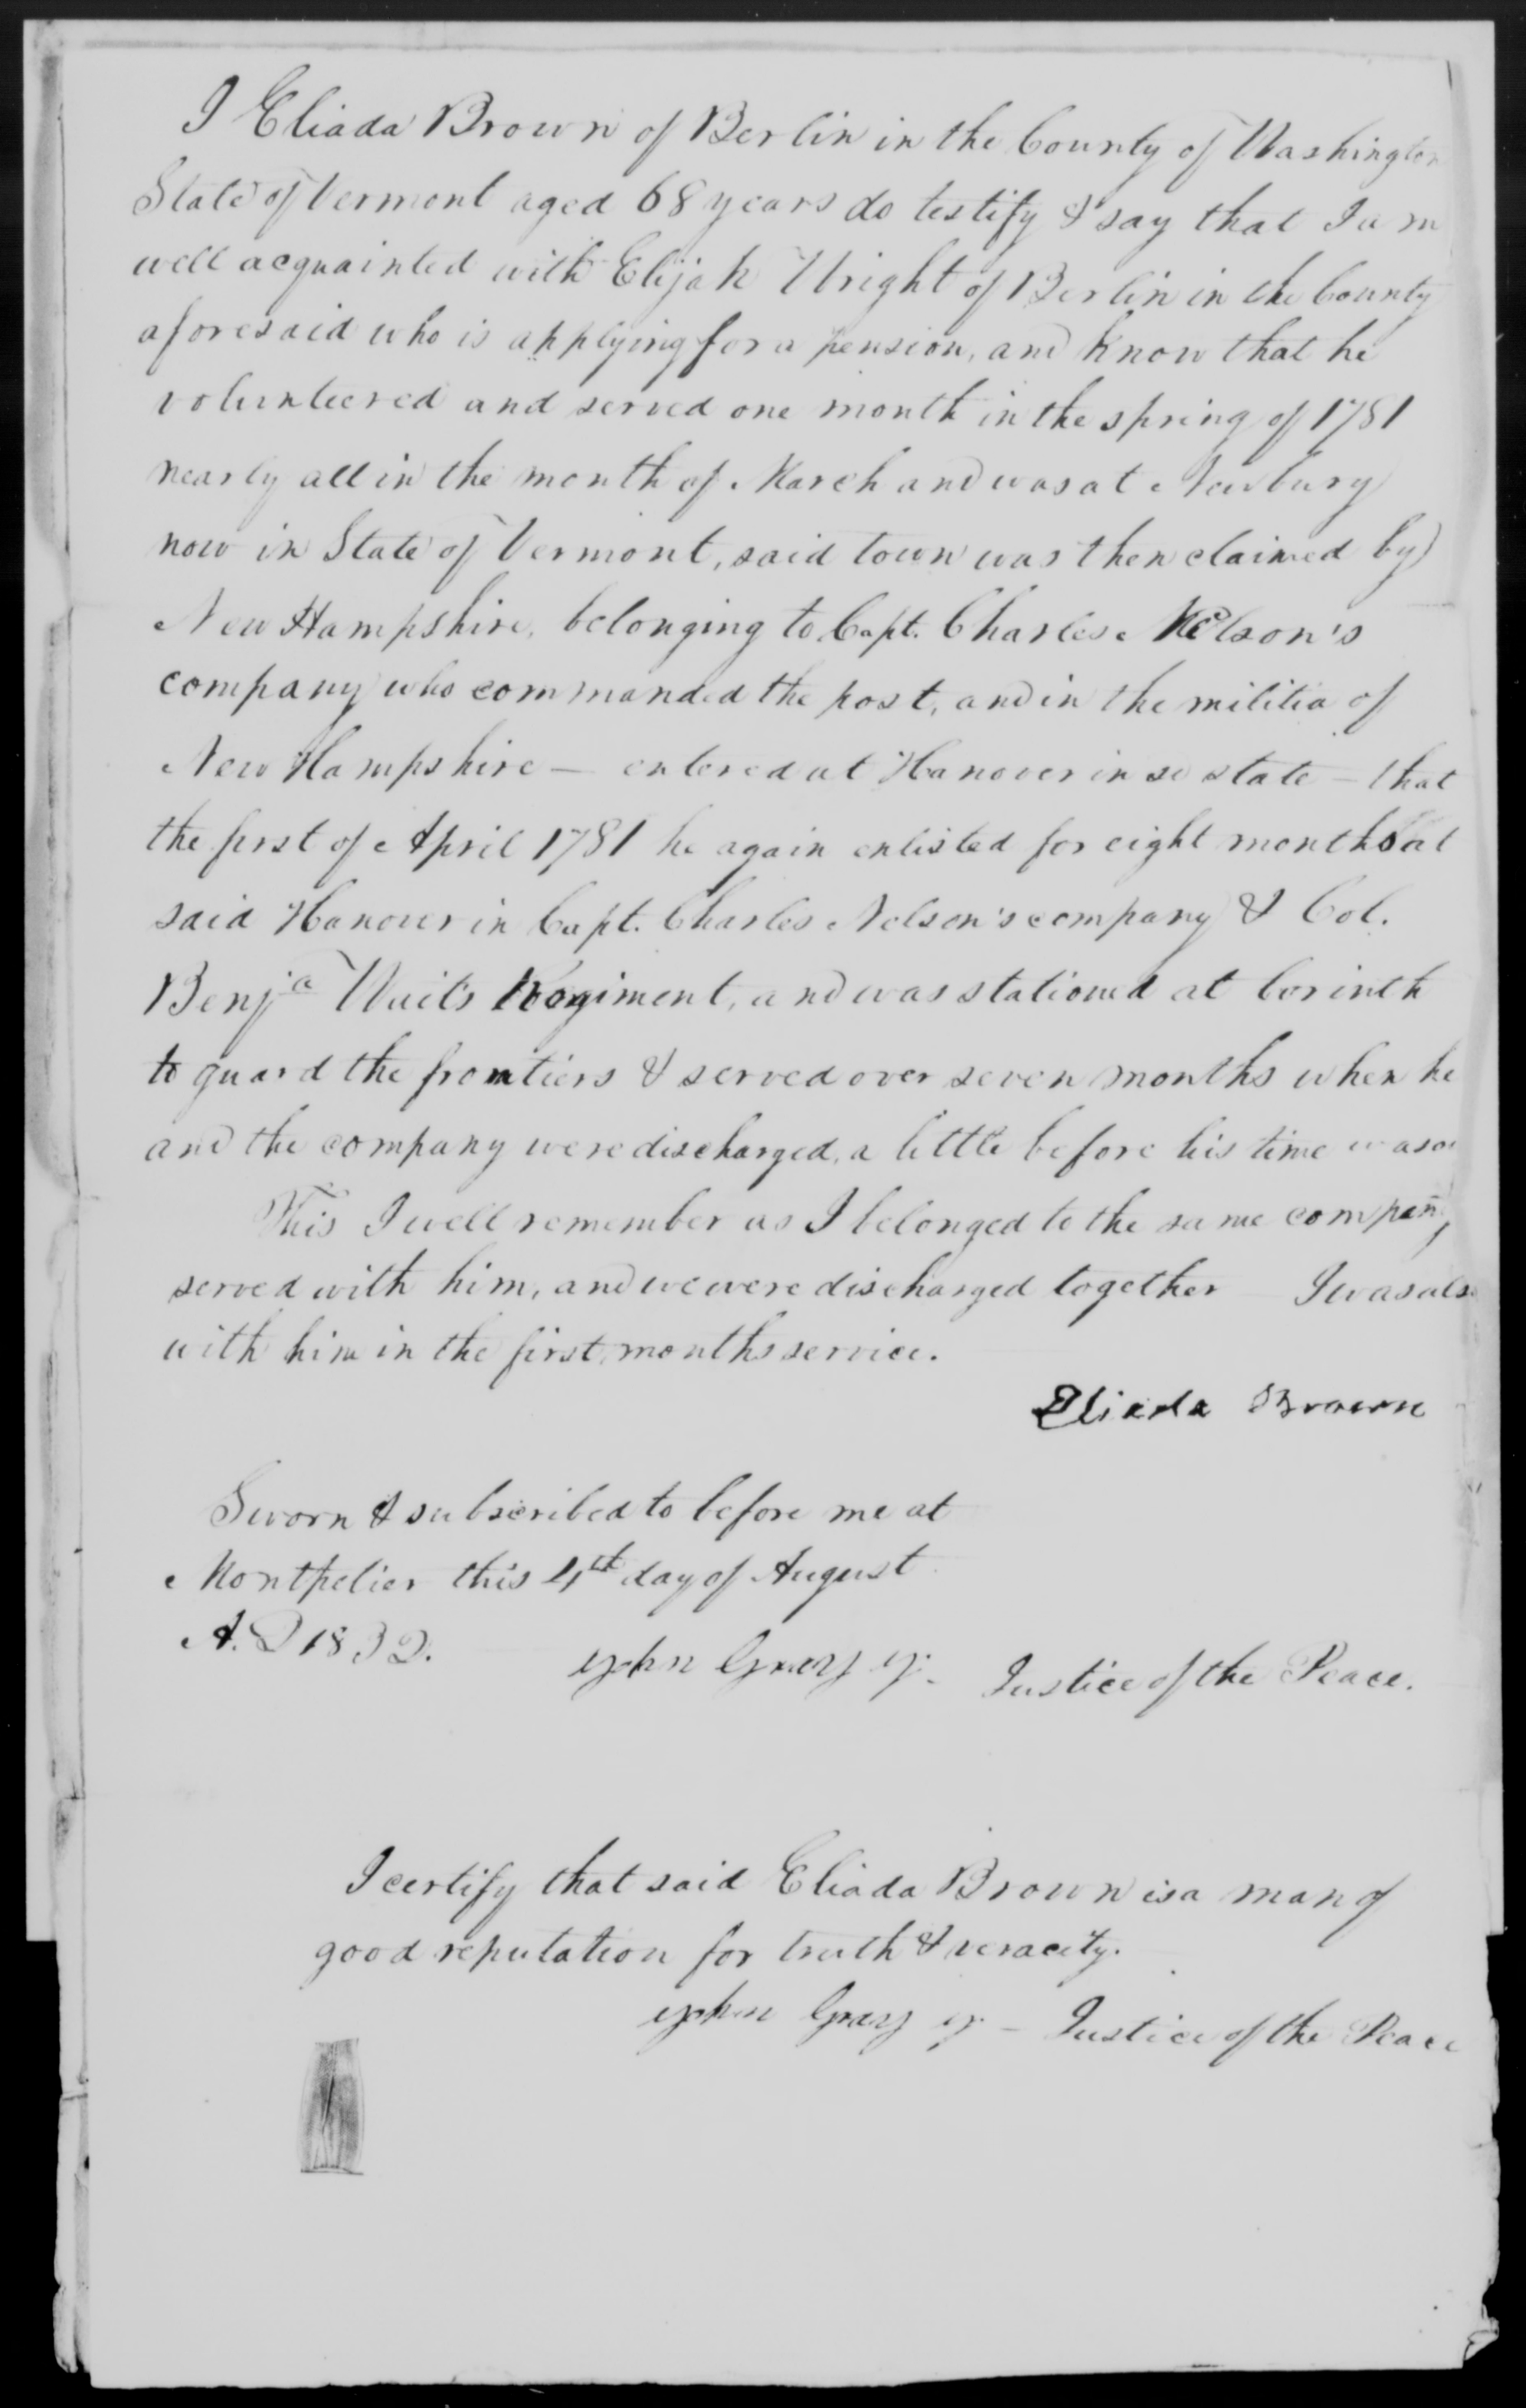I Eliada Brown of Berlin in the County of Washington State of Vermont aged 68 years do testify & say that I well acquainted with Elijah Wright of Berlin in the County aforesaid who is applying for a pension, and know that he volunteered and served one month in the spring of 1781 nearly all in the month of March and was at Newbury now in State of Vermont, said town was then claimed by
New Hampshire, belonging to Capt. Charles Nelson's company who commanded the post, and in the militia of New Hampshire - entered at Hanover in sd state-- that the first of April 1781 he again enlisted for eight months
said Hanover in Capt. Charles Nelson's company & Col. Benj Wait's Regiment, and was stationed at Corinth to guard the frontiers & served over seven months when he and the company were discharged a little before his time was ov(er)
This I well remember as I belonged to the same company served with him, and we were discharged together I was also with him in the first months service.
Eliada Brown
Sworn & subscribed to before me at
Montpelier this 4th day of August
A.D. 1833.
John Gray Justice of the Peace
I certify that said Eliada Brown is a man of
good reputation for truth & veracity
John Gray Justice of the Peace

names: Elijah Wright, Eliada Brown, John Gray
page: 19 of 26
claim: widow's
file: W. 26,137, Elijah Wright, N.H.